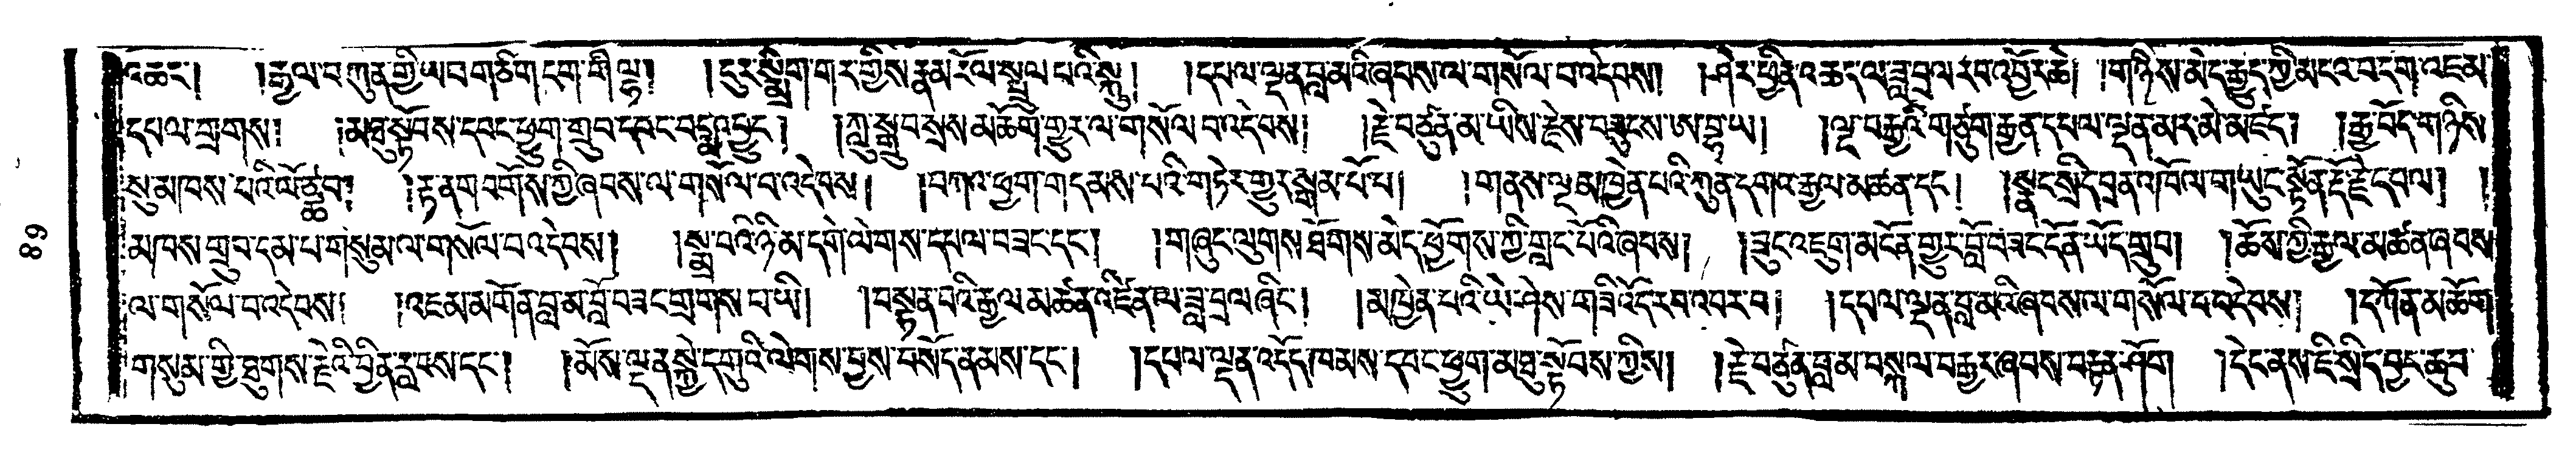འཆང་། །རྒྱལ་བ་ཀུན་གྱི་ཡབ་གཅིག་ངག་གི་ལྷ། །དུར་སྨྲིག་གར་གྱིས་རྣམ་རོལ་སྤྲུལ་པའི་སྐུ། །དཔལ་ལྡན་བླ་མའི་ཞབས་ལ་གསོལ་བ་འདེབས། །ཤེར་ཕྱིན་འཆད་ལ་ཟླ་བྲལ་རབ་འབྱོར་ཆེ། །གཉིས་མེད་རྒྱུད་ཀྱི་མངའ་བདག་འཇམ་
དཔལ་གྲགས། །མཐུ་སྟོབས་དབང་ཕྱུག་གྲུབ་དབང་པདམ་འབྱུང་། །ཀླུ་སྒྲུབ་སྲས་མཆོག་གྱུར་ལ་གསོལ་བ་འདེབས། །རྗེ་བཙུན་མ་ཡིས་རྗེས་བཟུངས་ཨ་བྷ་ཡ། །ལྔ་བརྒྱའི་གཙུག་རྒྱན་དཔལ་ལྡན་མར་མེ་མཛད། །རྒྱ་བོད་གཉིས་
སུ་མཁས་པའི་ལོཙྪ་བ། །རྟ་ནག་བགོས་ཀྱི་ཞབས་ལ་གསོལ་བ་འདེབས། །བཀའ་ཕྱག་གདམས་པའི་གཏེར་གྱུར་སྒམ་པོ་པ། །གནས་ལྔ་མཁྱེན་པའི་ཀུན་དགའ་རྒྱལ་མཚན་དང་། །སྣང་སྲིད་བྲན་འཁོལ་གཡུང་སྟོན་རྡོ་རྗེ་དཔལ། །
མཁས་གྲུབ་དམ་པ་གསུམ་ལ་གསོལ་བ་འདེབས། །སྨྲ་བའི་ཉི་མ་དགེ་ལེགས་དཔལ་བཟང་དང་། །གཞུང་ལུགས་ཐོགས་མེད་ཕྱོགས་ཀྱི་གླང་པོའི་ཞབས། །ཟུང་འཇུག་མངོན་གྱུར་བློ་བཟང་དོན་ཡོད་གྲུབ། །ཆོས་ཀྱི་རྒྱལ་མཚན་ཞབས་
ལ་གསོལ་བ་འདེབས། །འཇམ་མགོན་བླ་མ་བློ་བཟང་གྲགས་པ་ཡི། །བསྟན་པའི་རྒྱལ་མཚན་འཛིན་ལ་ཟླ་བྲལ་ཞིང་། །མཁྱེན་པའི་ཡེ་ཤེས་གཟི་འོད་རབ་འབར་བ། །དཔལ་ལྡན་བླ་མའི་ཞབས་ལ་གསོལ་བ་འདེབས། །དཀོན་མཆོག་
གསུམ་གྱི་ཐུགས་རྗེའི་བྱིན་རླབས་དང་། །མོས་ལྡན་སྐྱེ་དགུའི་ལེགས་བྱས་བསོད་ནམས་དང་། །དཔལ་ལྡན་འདོད་ཁམས་དབང་ཕྱུག་མཐུ་སྟོབས་ཀྱིས། །རྗེ་བཙུན་བླ་མ་བསྐལ་བརྒྱར་ཞབས་བརྟན་ཤོག །དེང་ནས་ཇི་སྲིད་བྱང་ཆུབ་